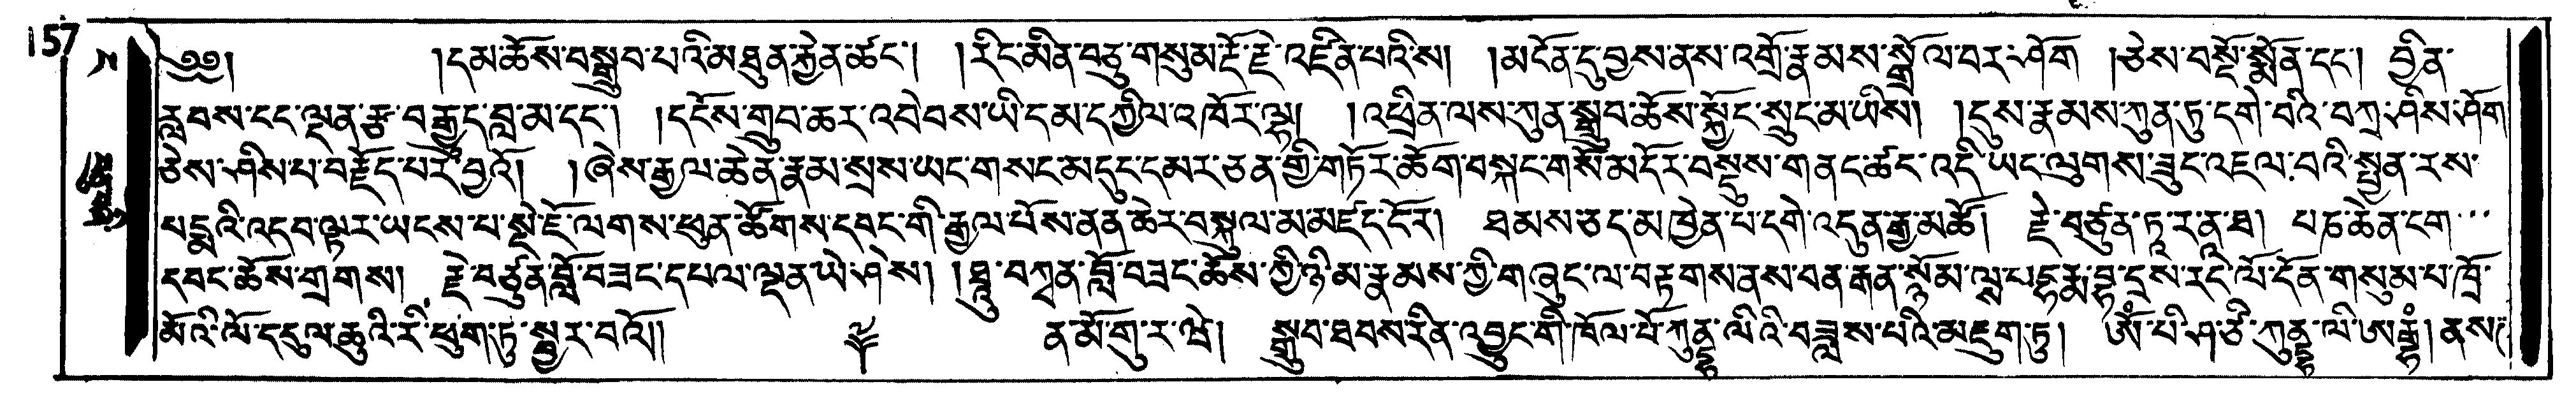༄༅། །དམ་ཆོས་བསྒྲུབ་པའི་མཐུན་རྐྱེན་ཚང་། །རིང་མིན་བཅུ་གསུམ་རྡོ་རྗེ་འཛིན་པའི་ས། །མངོན་དུ་བྱས་ནས་འགྲོ་རྣམས་སྒྲོལ་བར་ཤོག །ཅེས་བསྔོ་སྨོན་དང་། བྱིན་
རླབས་ངང་ལྡན་རྩ་བརྒྱུད་བླ་མ་དང་། །དངོས་གྲུབ་ཆར་འབེབས་ཡི་དམ་དཀྱིལ་འཁོར་ལྷ། །འཕྲིན་ལས་ཀུན་སྒྲུབ་ཆོས་སྐྱོང་སྲུང་མ་ཡིས། །དུས་རྣམས་ཀུན་ཏུ་དགེ་བའི་བཀྲ་ཤིས་ཤོག་
ཅེས་ཤིས་པ་བརྗོད་པར་བྱའོ། །ཞེས་རྒྱལ་ཆེན་རྣམ་སྲས་ཡང་གསང་མདུང་དམར་ཅན་གྱི་གཏོར་ཆོག་བསྐང་གསོ་མདོར་བསྡུས་གནང་ཚང་འདི་ཡང་ལུགས་ཟུང་འཇལ་བའི་སྤྱན་རས་
པདམའི་འདབ་ལྟར་ཡངས་པ་སྡེ་ཇོ་ལགས་ཕུན་ཚོགས་དབང་གི་རྒྱལ་པོས་ནན་ཆེར་བསྐུལ་མ་མཛད་དོར། ཐམས་ཅད་མཁྱེན་པ་དགེ་འདུན་རྒྱ་མཚོ། རྗེ་བཙུན་ཏཱ་ར་ནཱ་ཐ། པཎ་ཆེན་ངག་དབང་ཆོས་གྲགས། རྗེ་བཙུན་བློ་བཟང་དཔལ་ལྡན་ཡེ་ཤེས། །ཐཱུ་བཀྭན་བློ་བཟང་ཆོས་ཀྱི་ཉི་མ་རྣམས་ཀྱི་གཞུང་ལ་བརྟགས་ནས་བན་རྒན་སྙོམ་ལྶ་པདྷ་རྨ་བྷ་དྲས་རང་ལོ་དོན་གསུམ་པ་ཁྲོ་
མོའི་ལོ་དངུལ་ཆུའི་རི་ཕུག་ཏུ་སྦྱར་བའོ།།